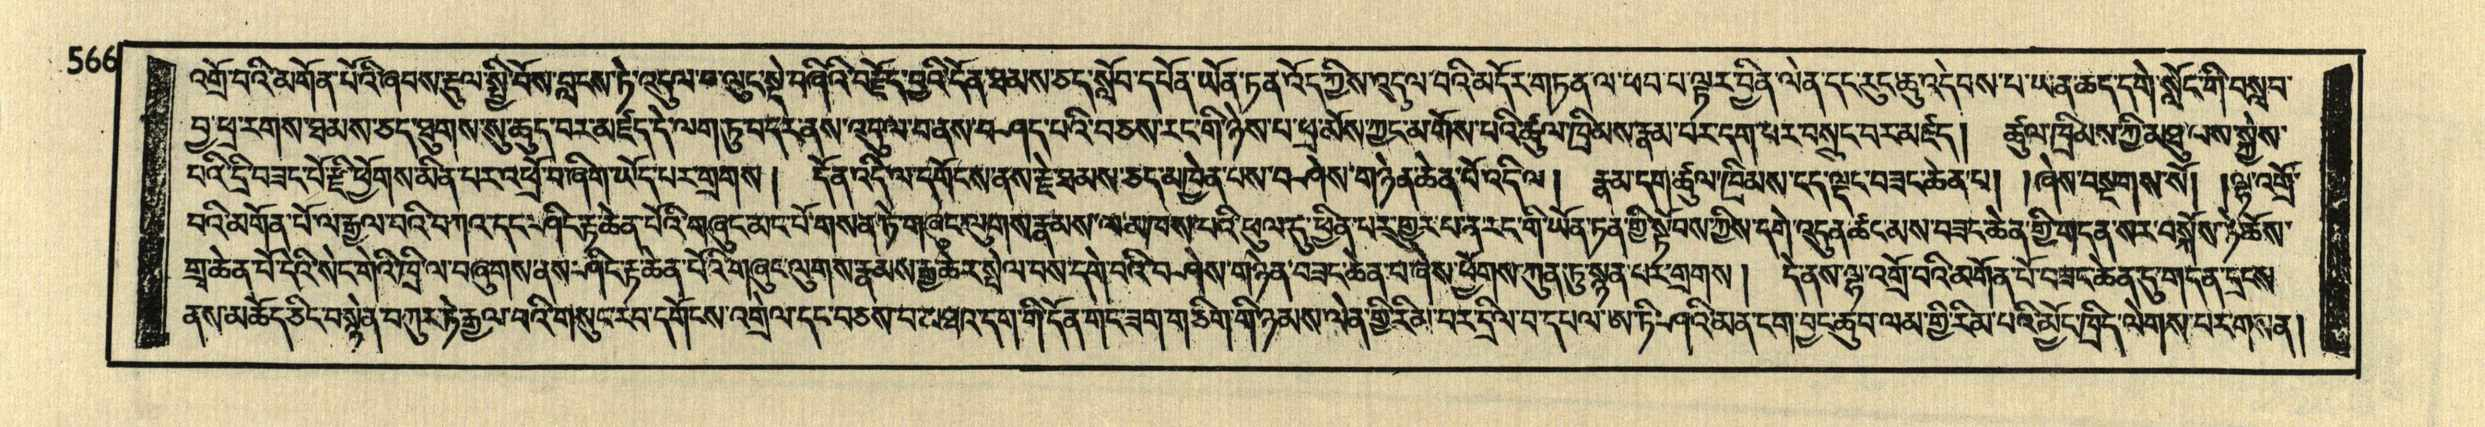འགྲོ་བའི་མགོན་པོའི་ཞབས་རྡུལ་སྤྱི་བོས་བླངས་ཏེ་འདུལ་བ་ལུང་སྡེ་བཞིའི་བརྗོད་བྱའི་དོན་ཐམས་ཅད་སློབ་དཔོན་ཡོན་ཏན་འོད་ཀྱིས་འདུལ་བའི་མདོར་གཏན་ལ་ཕབ་པ་ལྟར་བྱིན་ལེན་དང་རུང་ཆུ་འདེབས་པ་ཡན་ཆད་དགེ་སློང་གི་བསླབ་
བྱ་ཕྲ་རགས་ཐམས་ཅད་ཐུགས་སུ་ཆུད་བར་མཛད་དེ་ལག་ཏུ་བདར་ནས་འདུལ་བ་ནས་བཤད་པའི་བཅས་རང་གི་ཉེས་པ་ཕྲ་མོས་ཀྱང་མགོས་པའི་ཚུལ་ཁྲིམས་རྣམ་པར་དག་པར་བསྲུང་བར་མཛད། ཚུལ་ཁྲིམས་ཀྱི་མཐུ་ལས་སྐྱེས་
པའི་དྲི་བཟང་པོ་རྫི་ཕྱོགས་མིན་པར་འཕྲོ་བ་ཞིག་ཡོད་པར་གྲགས། དོན་འདི་ལ་དགོངས་ནས་རྗེ་ཐམས་ཅད་མཁྱེན་པས་བཤེས་གཉེན་ཆེན་པོ་འདི་ལ། རྣམ་དག་ཚུལ་ཁྲིམས་དང་ལྡང་བཟང་ཆེན་པ། །ཞེས་བསྔགས་སོ། །ལྷ་འགྲོ་
བའི་མགོན་པོ་ལ་རྒྱལ་བའི་བཀའ་དང་ཤིང་རྟ་ཆེན་པོའི་གཞུང་མང་པོ་གསན་ཏེ་གཞུང་ལུགས་རྣམས་ལ་མཁས་པའི་ཕུལ་དུ་ཕྱིན་པར་གྱུར་པ་ན་རང་གི་ཡོན་ཏན་གྱི་སྟོབས་ཀྱིས་དགེ་འདུན་ཚང་མས་བཟང་ཆེན་གྱི་གདན་སར་བསྐོས་ཏེ་ཆོས་
གྲྭ་ཆེན་པོ་དེའི་སེང་གེའི་ཁྲི་ལ་བཞུགས་ནས་ཤིང་རྟ་ཆེན་པོའི་གཞུང་ལུགས་རྣམས་རྒྱ་ཆེར་སྤེལ་བས་དགེ་བའི་བཤེས་གཉེན་བཟང་ཆེན་པ་ཞེས་ཕྱོགས་ཀུན་ཏུ་སྙན་པར་གྲགས། དེ་ནས་ལྷ་འགྲོ་བའི་མགོན་པོ་བཟང་ཆེན་དུ་གདན་དྲངས་
ནས་མཆོད་ཅིང་བསྙེན་བཀུར་ཏེ་རྒྱལ་བའི་གསུང་རབ་དགོངས་འགྲེལ་དང་བཅས་བ་མཐའ་དག་གི་དོན་གང་ཟག་གཅིག་གི་ཉམས་ལེན་གྱི་རིམ་པར་དྲིལ་བ་དཔལ་ཨ་ཏི་ཤའི་མན་ངག་བྱང་ཆུབ་ལམ་གྱི་རིམ་པའི་མྱོང་ཁྲིད་ལེགས་པར་གསན།